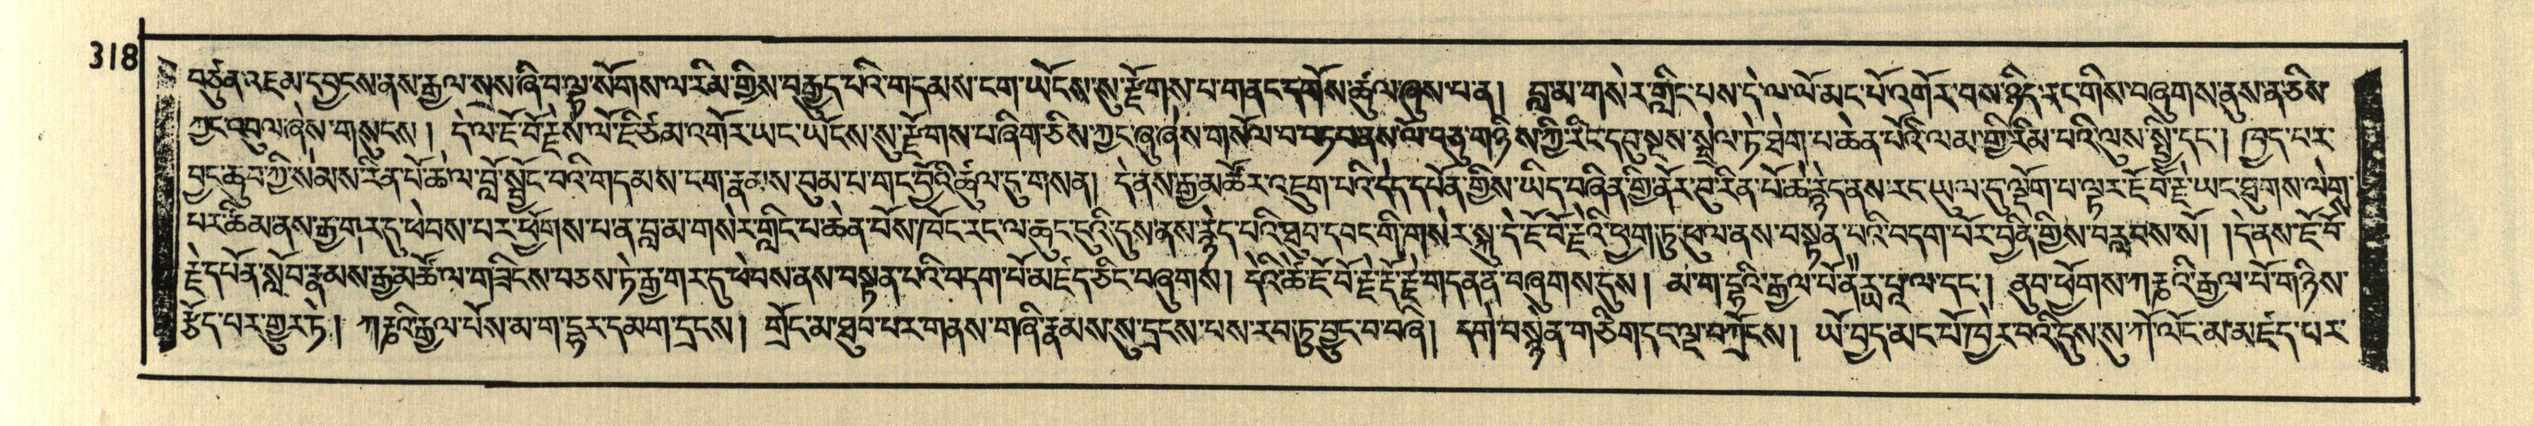བཙུན་འཇམ་དབྱངས་ནས་རྒྱལ་སྲས་ཞི་བ་ལྷ་སོགས་ལ་རིམ་གྱིས་བརྒྱུད་པའི་གདམས་ངག་ཡོངས་སུ་རྫོགས་པ་གནང་དགོས་ཚུལ་ཞུས་པ་ན། བླ་མ་གསེར་གླིང་པས་དེ་ལ་ལོ་མང་པོ་འགོར་བས་ཉིད་རང་གིས་བཞུགས་ནུས་ན་ཅིས་
ཀྱང་འབུལ་ཞེས་གསུངས། དེ་ལ་ཇོ་བོ་རྗེས་ལོ་ཇི་ཙམ་འགོར་ཡང་ཡོངས་སུ་རྫོགས་པ་ཞིག་ཅིས་ཀྱང་ཞུ་ཞེས་གསོལ་བ་བཏབ་ནས་ལོ་བཅུ་གཉིས་ཀྱི་རིང་དབུ་སྔས་སྤྲེལ་ཏེ་ཐེག་པ་ཆེན་པོའི་ལམ་གྱི་རིམ་པའི་ལུས་སྤྱི་དང་། ཁྱད་པར་
བྱང་ཆུབ་ཀྱི་སེམས་རིན་པོ་ཆེ་ལ་བློ་སྦྱོང་བའི་གདམས་ངག་རྣམས་བུམ་པ་གང་བྱོའི་ཚུལ་དུ་གསན། དེ་ནས་རྒྱ་མཚོར་འཇུག་པའི་དེད་དཔོན་གྱིས་ཡིད་བཞིན་གྱི་ནོར་བུ་རིན་པོ་ཆེ་རྙེད་ནས་རང་ཡུལ་དུ་ལྡོག་པ་ལྟར་ཇོ་བོ་རྗེ་ཡང་ཐུགས་ལེགས་
པར་ཚིམ་ནས་རྒྱ་གར་དུ་ཕེབས་པར་ཕྱོགས་པ་ན་བླ་མ་གསེར་གླིང་པ་ཆེན་པོས་ཁོང་རང་ལ་ཆུང་དུའི་དུས་ནས་རྙེད་པའི་ཐུབ་དབང་གི་གསེར་སྐུ་དེ་ཇོ་བོ་རྗེའི་ཕྱག་ཏུ་ཕུལ་ནས་བསྟན་པའི་བདག་པོར་བྱིན་གྱིས་བརླབས་སོ། །དེ་ནས་ཇོ་བོ་
རྗེ་དཔོན་སློབ་རྣམས་རྒྱ་མཚོ་ལ་གཟིངས་བཅས་ཏེ་རྒྱ་གར་དུ་ཕེབས་ནས་བསྟན་པའི་བདག་པོ་མཛད་ཅིང་བཞུགས། དེའི་ཚེ་ཇོ་བོ་རྗེ་རྡོ་རྗེ་གདན་ན་བཞུགས་དུས། མ་ག་དྷའི་རྒྱལ་པོ་ནཻརྱ་པཱ་ལ་དང་། ནུབ་ཕྱོགས་ཀརྞའི་རྒྱལ་པོ་གཉིས་
ཧུག་?
ལ་ཝལ་གྱིས་བྱུང་ནས་ལན་བཏབ་པས་པཎྜི་ཏ་དེ་ཚར་བཅད། སློ་
ཐུབ་པར་གནས་གཞི་རྣམས་སུ་དྲངས་པས་རབ་ཏུ་བྱུང་བ་བཞི། དགེ་བསྙེན་གཅིག་དང་ལྔ་བཀྲོངས། ཡོ་བྱད་མང་པོ་བའི་དུས་སུ་ཀོ་ལོང་མ་མཛད་པར་